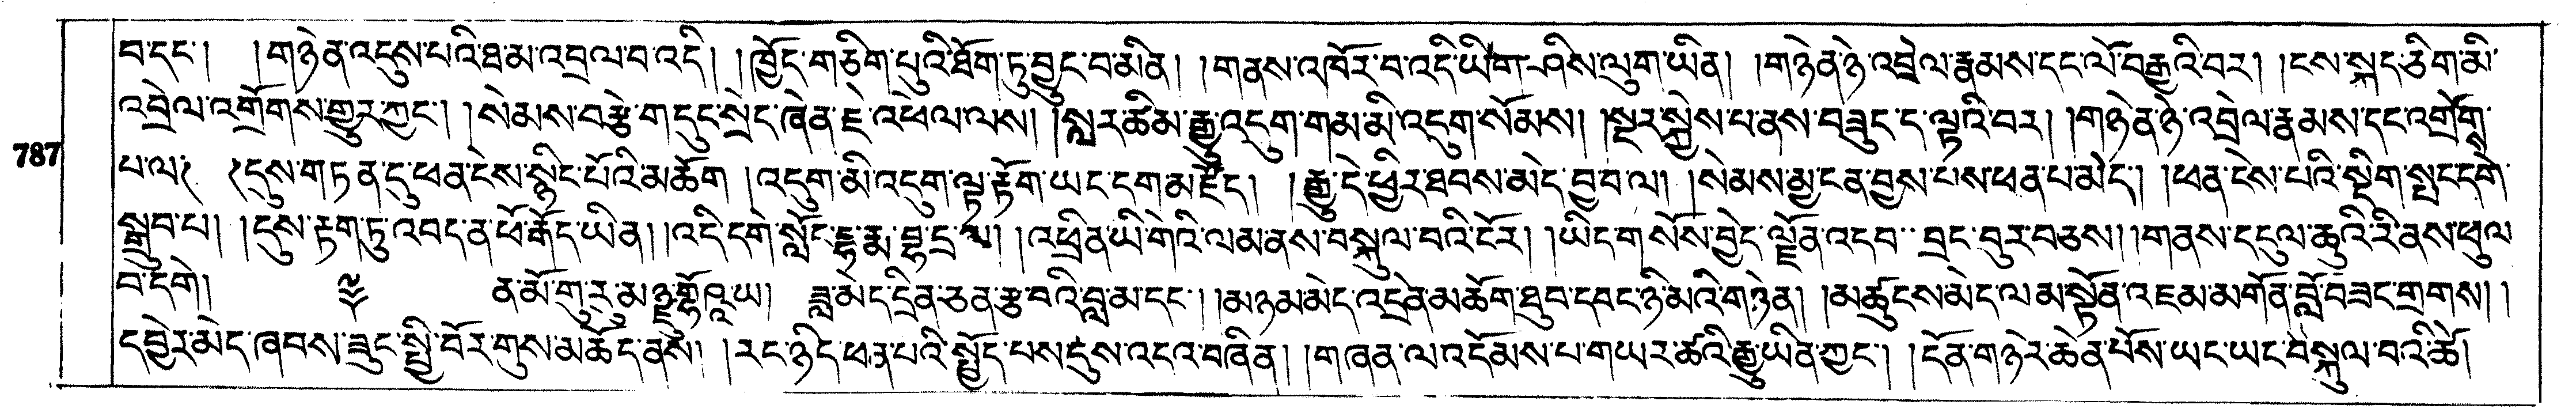བ་དང་། །གཉེན་འདུས་པའི་ཐ་མ་འབྲལ་བ་འདི། །ཁྱོད་གཅིག་པུའི་ཐོག་ཏུ་བྱུང་བ་མིན། །གནས་འཁོར་བ་འདི་ཡིག་ཤིས་ལུག་ཡིན། །གཉེན་ཉེ་འབྲེལ་རྣམས་དང་ལོ་བརྒྱའི་བར། །ངས་སྐད་ཅིག་མི་
འབྲེལ་འགྲོགས་གྱུར་ཀྱང་། །སེམས་བརྩེ་གདུང་སྲེད་ཞེན་ཇེ་འཕེལ་ལས། །སླར་ཚིམ་རྒྱུ་འདུག་གམ་མི་འདུག་སོམས། །སྔར་སྐྱེས་པ་ནས་བཟུང་ད་ལྟའི་བར། །གཉེན་ཉེ་འབྲེལ་རྣམས་དང་འགྲོགས་
པ་ལ༑ ༑དུས་གཏན་དུ་ཕན་ངེས་སྙིང་པོའི་མཆོག །འདུག་མི་འདུག་ལྟ་རྟོག་ཡང་དག་མཛོད། །རྒྱུ་དེ་ཕྱིར་ཐབས་མེད་བྱ་བ་ལ། །སེམས་མྱ་ངན་བྱས་པས་ཕན་པ་མེད། །ཕན་ངེས་པའི་སྡིག་སྤང་དགེ་
སྒྲུབ་པ། །དུས་རྟག་ཏུ་འབད་ན་ཕོ་རྒོད་ཡིན། །འདི་དགེ་སློང་དྷརྨ་བྷ་དྲ་ལ། །འཕྲིན་ཡི་གེའི་ལམ་ནས་བསྐུལ་བའི་ངོར། །ཡིད་གསོས་བྱེད་ལྗོན་འདབ་བྲང་བུར་བཅས། །གནས་དངུལ་ཆུའི་རི་ནས་ཕུལ་
བ་དགེ། ༈ ན་མོ་གུ་རུ་མཉྫུ་གྷོཥཱ་ཡ། ཟླ་མེད་དྲིན་ཅན་རྩ་བའི་བླ་མ་དང་། །མཉམ་མེད་འདྲེན་མཆོག་ཐུབ་དབང་ཉི་མའི་གཉེན། །མཚུངས་མེད་ལམ་སྟོན་འཇམ་མགོན་བློ་བཟང་གྲགས། །
དབྱེར་མེད་ཞབས་ཟུང་སྤྱི་བོར་གུས་མཆོད་ནས། །རང་ཉིད་ཕན་པའི་སྤྱོད་པས་དུས་འདའ་བཞིན། །གཞན་ལ་འདོམས་པ་གཡར་ཚའི་རྒྱུ་ཡིན་ཀྱང་། །དོན་གཉེར་ཆེན་པོས་ཡང་ཡང་བསྐུལ་བའི་ཚེ།